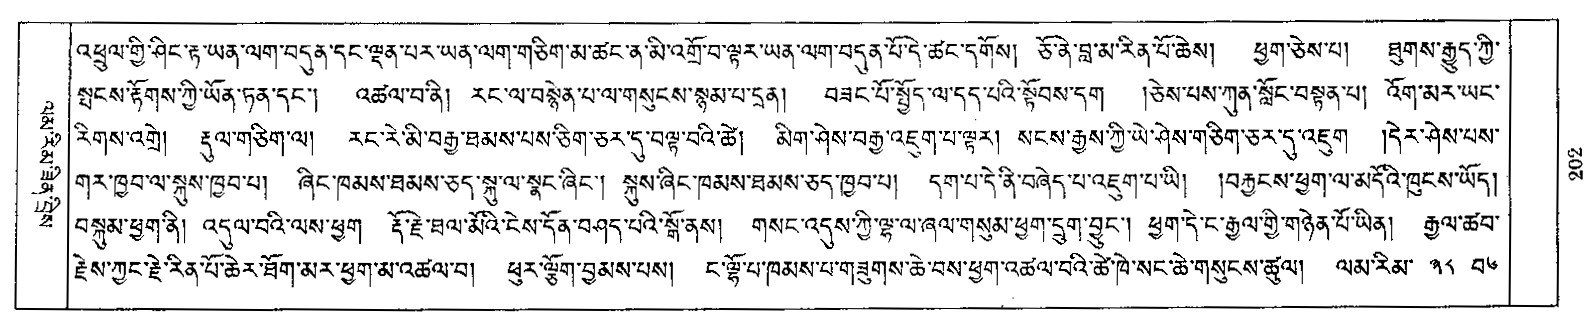འཕྲུལ་གྱི་ཤིང་རྟ་ཡན་ལག་བདུན་དང་ལྡན་པར་ཡན་ལག་གཅིག་མ་ཚང་ན་མི་འགྲོ་བ་ལྟར་ཡན་ལག་བདུན་པོ་དེ་ཚང་དགོས། ཅོ་ནེ་བླ་མ་རིན་པོ་ཆེས། ཕྱག་ཅེས་པ། ཐུགས་རྒྱུད་ཀྱི་
སྤངས་རྟོགས་ཀྱི་ཡོན་ཏན་དང་། འཚལ་བ་ནི། རང་ལ་བསྙེན་པ་ལ་གསུངས་སྙམ་པ་དྲན། བཟང་པོ་སྤྱོད་ལ་དད་པའི་སྟོབས་དག །ཅེས་པས་ཀུན་སློང་བསྟན་པ། འོག་མར་ཡང་
རིགས་འགྲེ། རྡུལ་གཅིག་ལ། རང་རེ་མི་བརྒྱ་ཐམས་པས་ཅིག་ཅར་དུ་བལྟ་བའི་ཚེ། མིག་ཤེས་བརྒྱ་འཇུག་པ་ལྟར། སངས་རྒྱས་ཀྱི་ཡེ་ཤེས་གཅིག་ཅར་དུ་འཇུག །དེར་ཤེས་པས་
གར་ཁྱབ་ལ་སྐུས་ཁྱབ་པ། ཞིང་ཁམས་ཐམས་ཅད་སྐུ་ལ་སྣང་ཞིང་། སྐུས་ཞིང་ཁམས་ཐམས་ཅད་ཁྱབ་པ། དག་པ་དེ་ནི་བཞེད་པ་འཇུག་པ་ཡི། །བརྐྱངས་ཕྱག་ལ་མདོའི་ཁུངས་ཡོད།
བསྐུམ་ཕྱག་ནི། འདུལ་བའི་ལས་ཕྱག་རྡོ་རྗེ་ཐལ་མོའི་ངེས་དོན་བཤད་པའི་སྒོ་ནས། གསང་འདུས་ཀྱི་ལྷ་ལ་ཞལ་གསུམ་ཕྱག་དྲུག་བྱུང་། ཕྱག་དེ་ང་རྒྱལ་གྱི་གཉེན་པོ་ཡིན། རྒྱལ་ཚབ་
རྗེས་ཀྱང་རྗེ་རིན་པོ་ཆེར་ཐོག་མར་ཕྱག་མ་འཚལ་བ། ཕུར་ལྕོག་བྱམས་པས། ང་ལྷོ་པ་ཁམས་པ་གཟུགས་ཆེ་བས་ཕྱག་འཚལ་བའི་ཚེ་ཁེ་སང་ཆེ་གསུངས་ཚུལ། ལམ་རིམ ༣༨་བ ༦